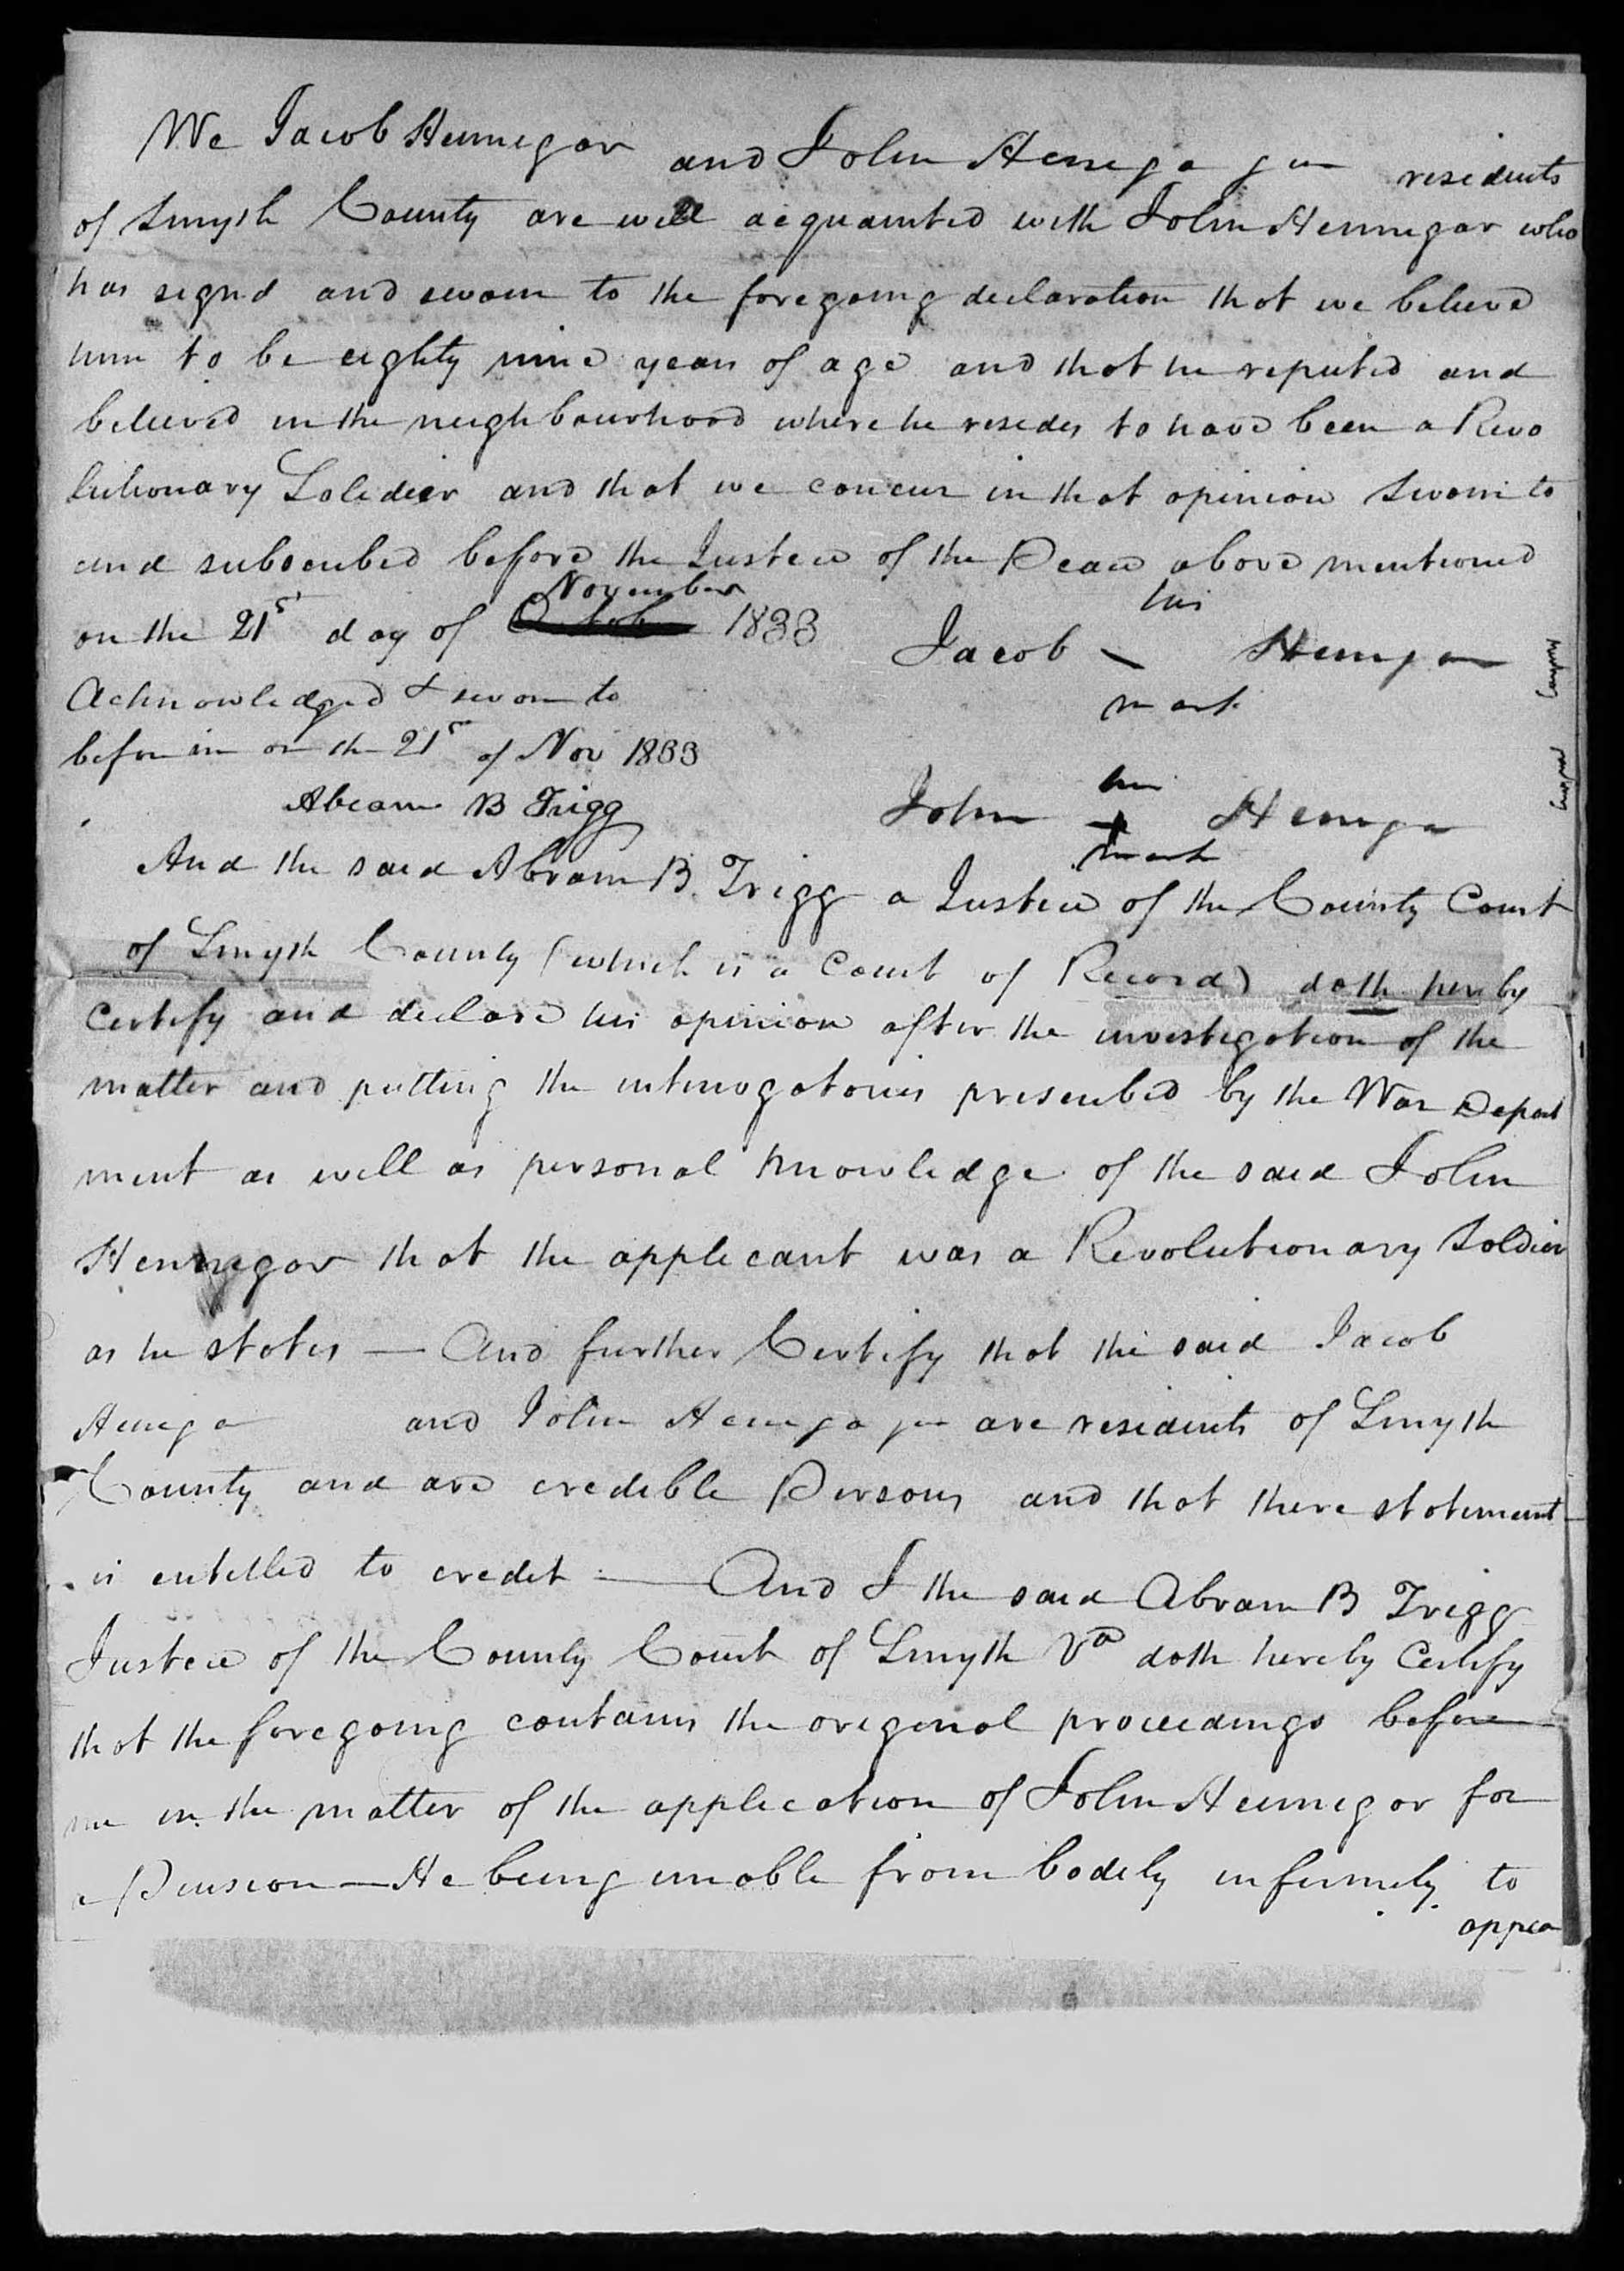We Jacob Hennigar and John Hennigar residents of Smyth County are well acquainted with John Hennigar who has signed and sworn to the foregoing declaration that we believe him to be eighty-nine years of age and that he is reputed and believed in the neighborhood where he resides to have been a revolutionary soldier and that we concur in that opinion. Sworn to and subscribed before the Justice of the Peace above mentioned on the 21st day of November 1833.

Jacob Hennigar
His X Mark

John Hennigar
His X Mark

Acknowledged and sworn to before me on the 21st of Nov 1833

Abram B Trigg

And the said Abram B Trigg a justice of the County Court of Smyth County which is a court of record doth hereby certify and declare his opinion after the investigation of the matter and putting the interrogatories prescribed by the War Department as well as personal knowledge of the said John Hennigar that the applicant was a revolutionary soldier as he states - And further certify that the said Jacob Hennigar and John Hennigar are residents of Smyth County and are credible persons and that their statement is entitled to credit. And the said Abram B Trigg Justice of the County Court of Smyth VA doth hereby certify that the foregoing contains the original proceedings before me in the matter of the application of John Hennigar for a pension. He being unable from bodily infirmity to appear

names: John Henega, Jacob Hennegan, John Hennegan, John Hennigan, Abram B Trigg, Jacob Henigan, John Henigan, John Hennegan, Jacob Henega, Abram B Trigg, Abram B Trigg, John Henega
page: 5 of 18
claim: survivor's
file: S. 15,884, John Hennigar, Md.